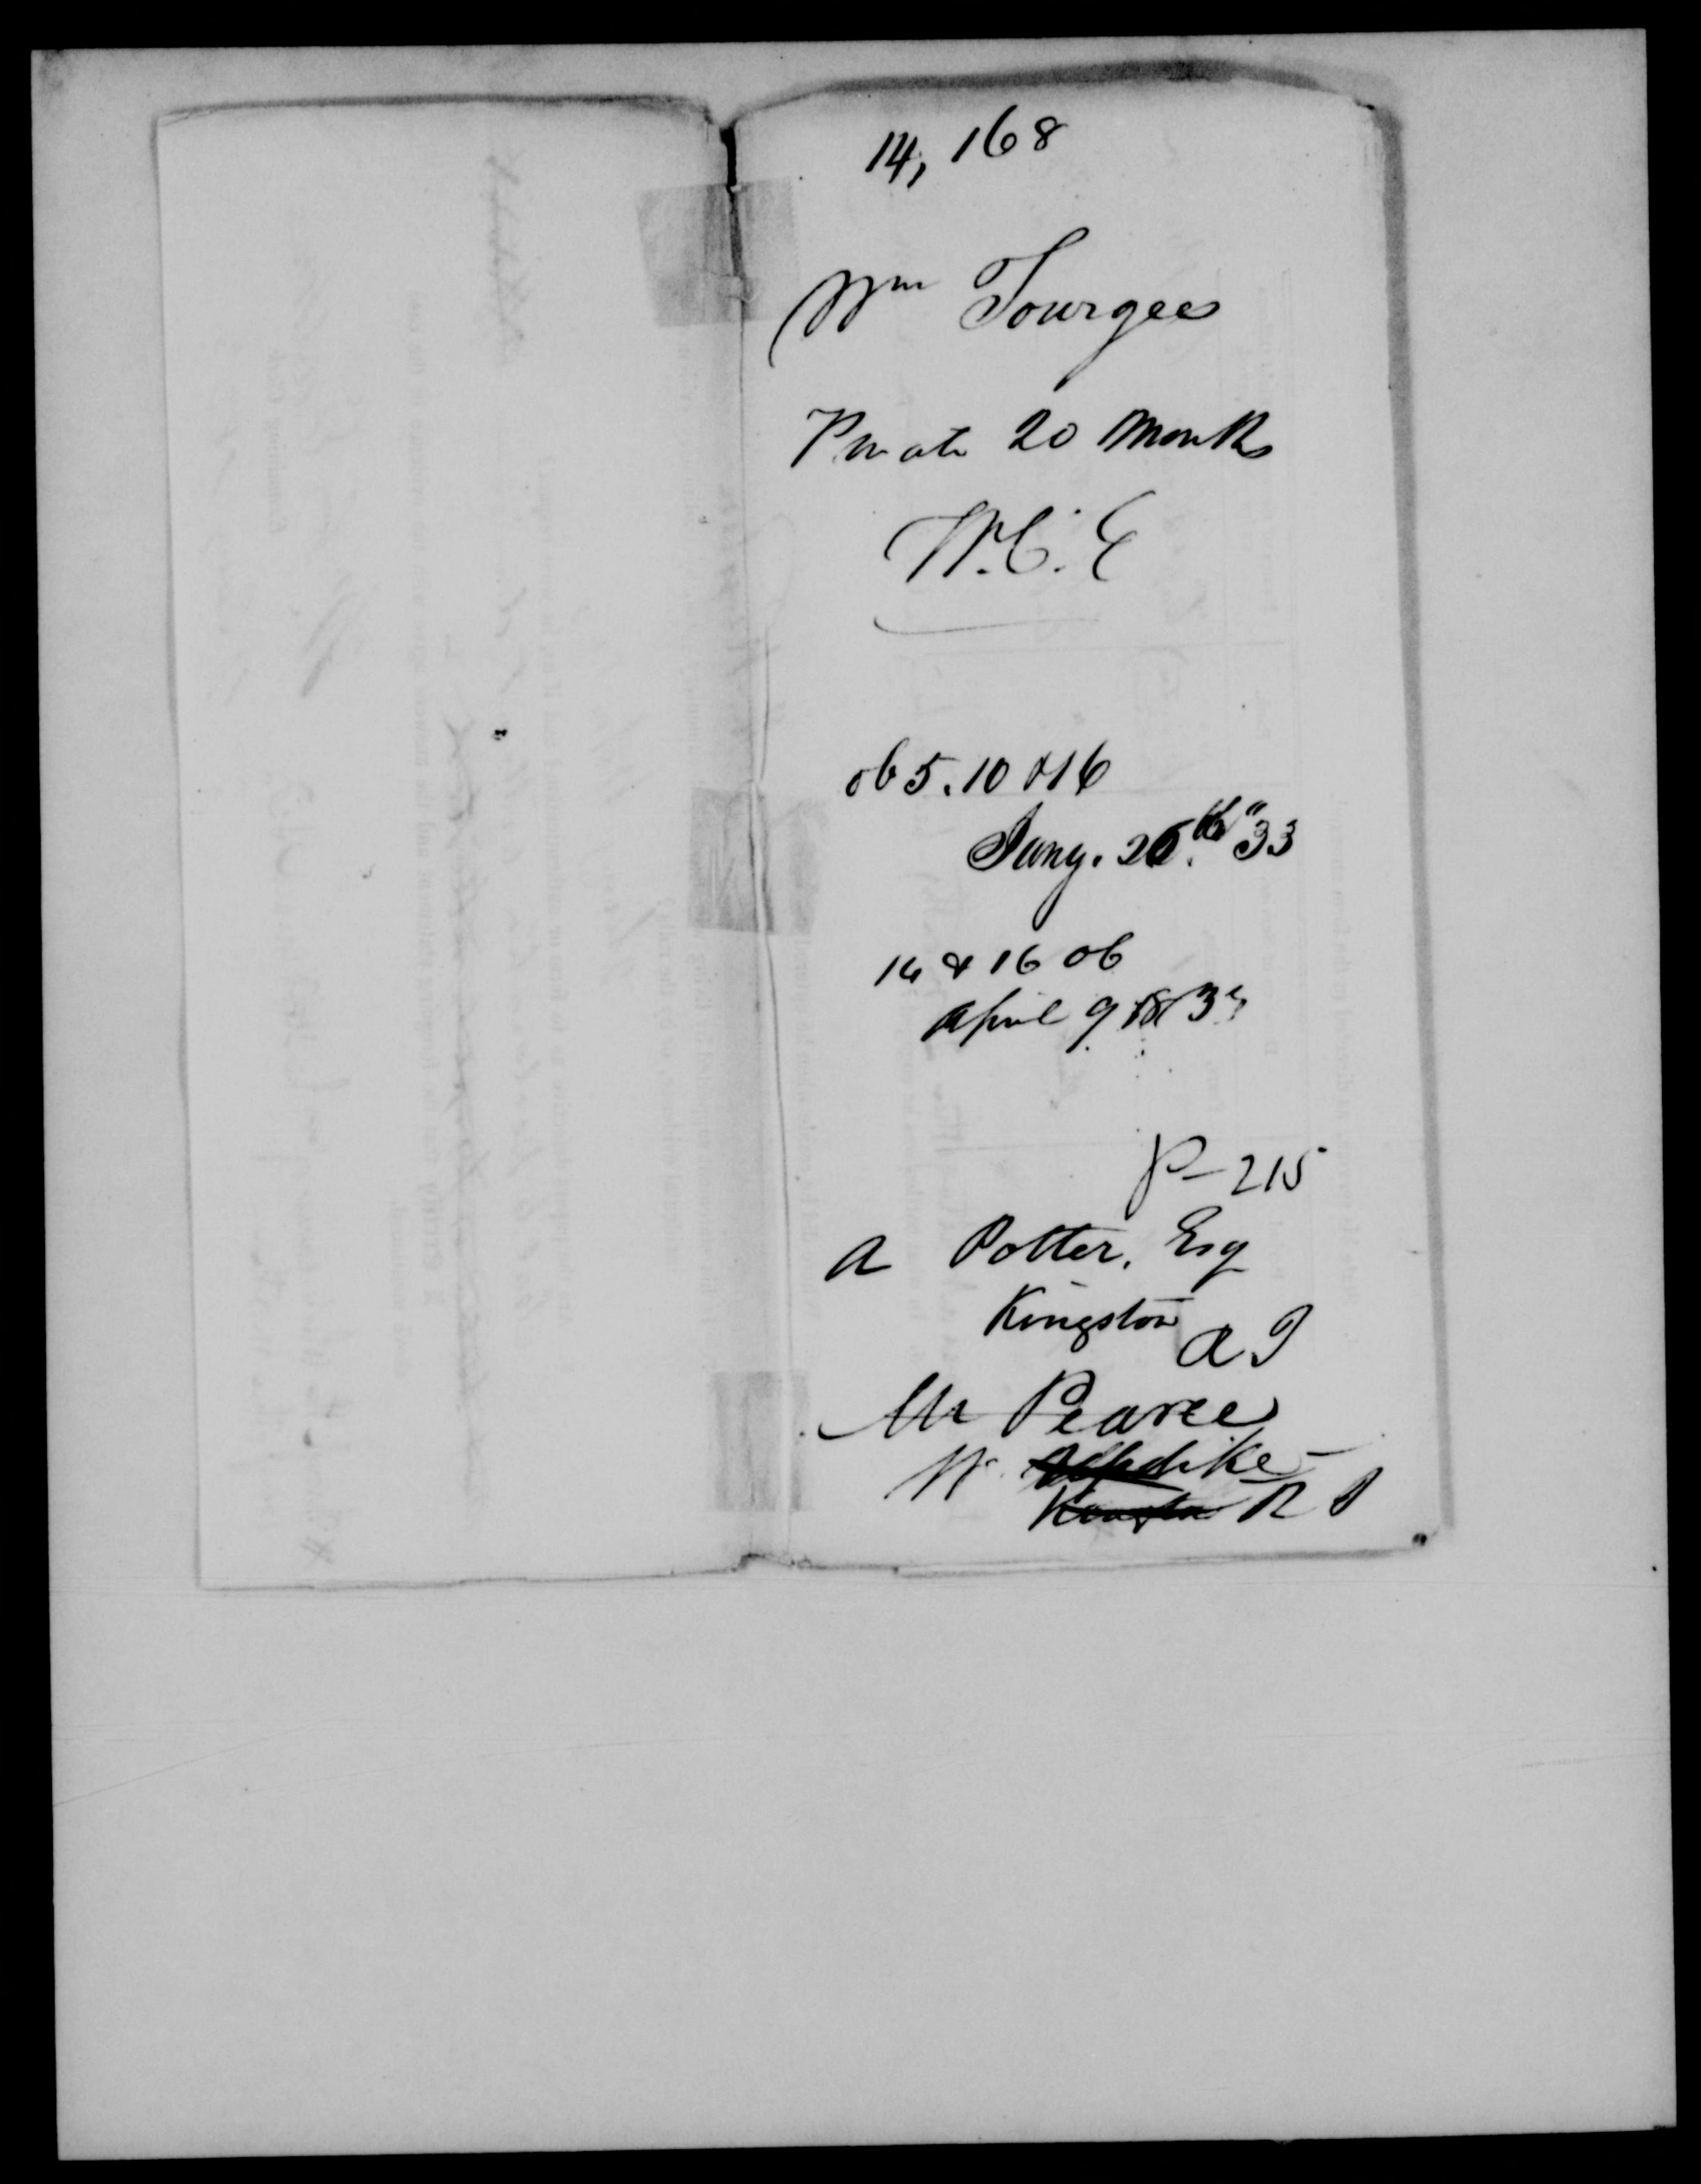14, 168
Wm Tourgee
Private 20 months
[illegible]
[illegible] 5.10 [illegible] 6
Jany 26th 33
14 & 1606
April 9 1834
P 215
A Potter, Esq
Kingston RI
Mr[?] Pearce,
Mr[?] [crossed out]/Updike/[crossed out]
[crossed out]/Kingston/[crossed out] RI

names: W Updike, A Potter, Wm Tourgee, Pearce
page: 7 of 21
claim: survivor's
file: S. 21537, William Tourgee, R.I.